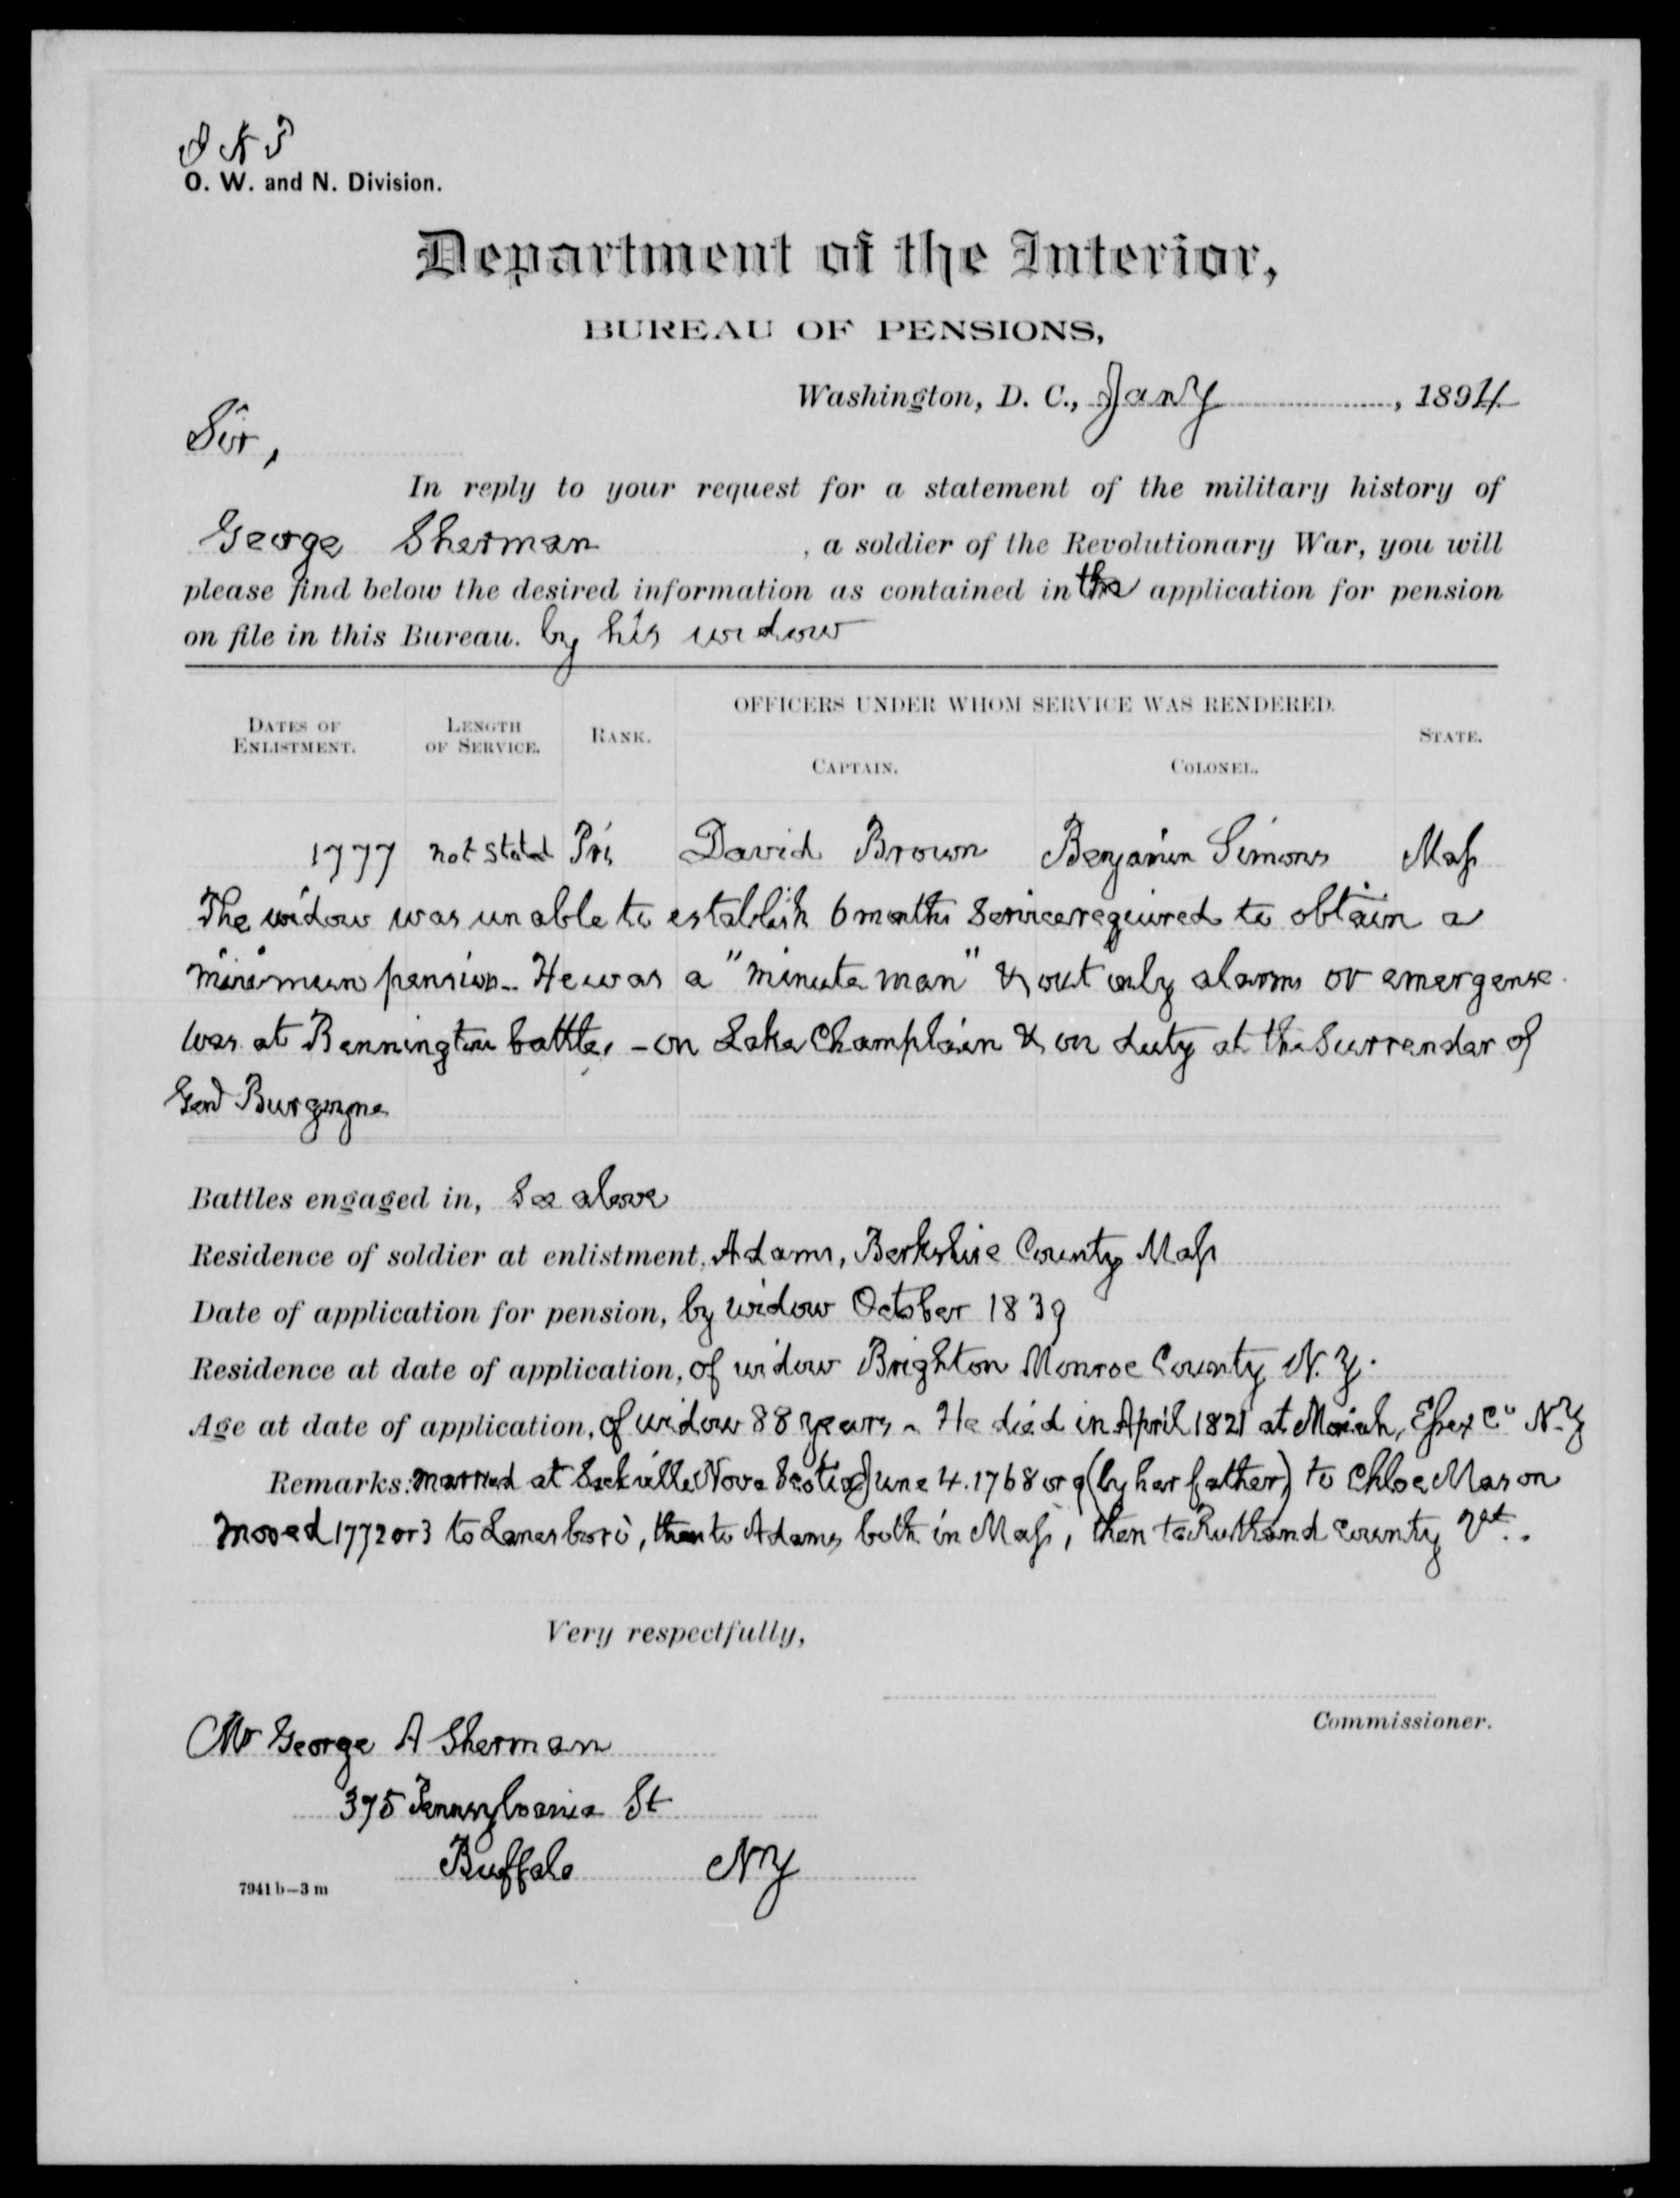O. W. and N. Division.
&
Department of the Interior,
BUREAU OF PET
S,
Six
Washington, D. C., Jany
1889
In reply to your request for a statement of the military history of
George Sherman
a soldier of the Revolutionary War, you will
please and below the desired information as contained in the application for pension
on file in this Burean by his widow
DATES OF
LENGTH
ENLISTMENT OF SERVICE.
RANK,
STATE.
OFFICERS UNDER WHOM SERVICE WAS RENDERED.
CAPTAIN.
COLONEL.
1777 not state pro
David Brown Benjamin Simons
7
Mass
The widow was unable to establish 6 months service required to obtain a
in pension - He was a "minute man" & out only alms or emergence
was at Bennington battle, on Lake Champlain & on duty at the Surrender of
God Burgone
Battles engaged in Sale
Residence of soldier at enlistment Adams, Berkshire County Mass
Date of application for pension, by widow October 1839
Residence at date of application of widow Brighton Monroe County N.Y.
Age at date of application of widow 88 years. He died in April 1821 at Moriah, N.Y
Remarks: married at Sackville Nov Scotio June 4. 1768 or by her father, to Chloe Mason
moved 1723 to Lanesboro, then to Adams both in Mass; then to Rutland County V
Very respectfully,
7941 b -- 3m
Mr George A Sherman
375 Pennsylvania St.
Buffalo
Ny
Commissioner.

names: George Sherman; David Brown; George A Sherman; Benjamin Simons; Chloe Mason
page: 51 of 52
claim: rejected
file: R. 9493, for George Sherman, Vermont